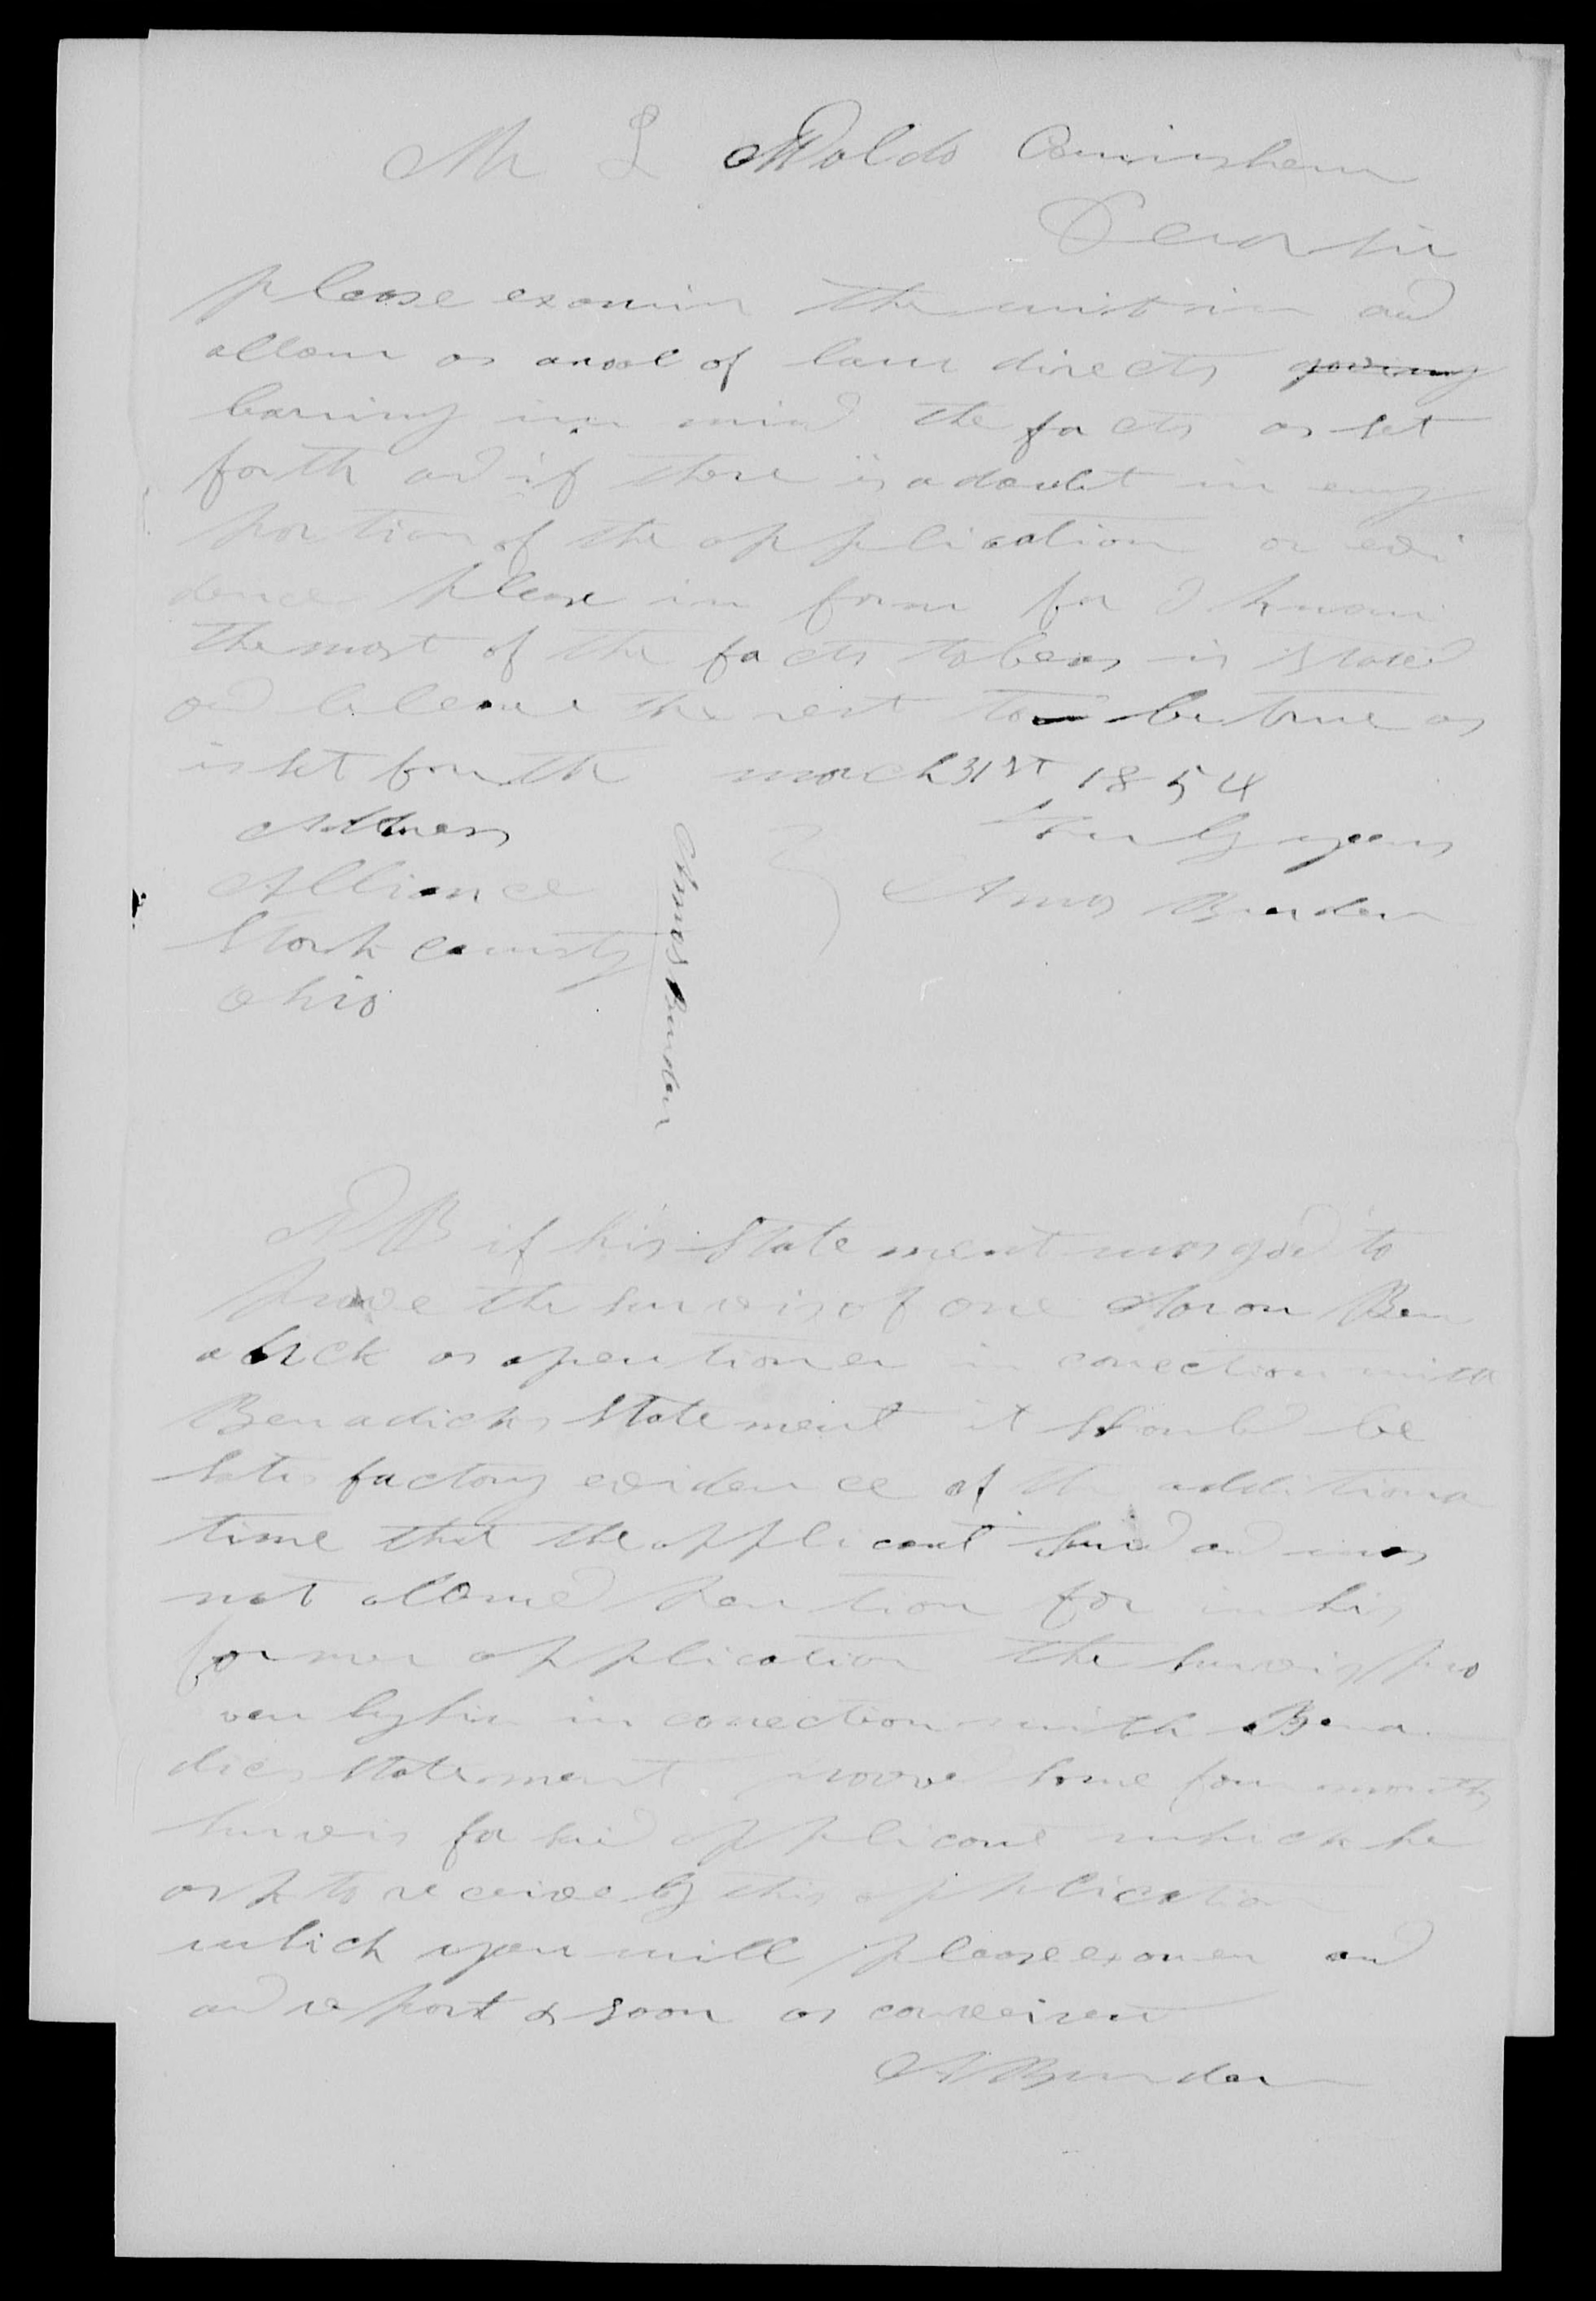M L Waldo Commissioner
Pensions
please examin the within and
allow as proof of law directs (young)
bearing in and the facts as set
forth and if there is a doubt in any
portion of the application or evi-
dence please in form for I know
the most of the facts to be as is stated
and believe the rest to be true as
set forth March 31st 1854
Truly yours
Amos Burden
Address
Alliance
Clark County
Ohio

N/B if his statement wood to
have the sum of one son Ben
rich or pensioner in connection with
Benedict Statement it should be
late factory evidence of the addtima
time that the applicant fund and in
not alone sention for in his
former application the high
ven by him in connection with Bond
dic statement
prove him four month
hers for said plan which he
or to receive by this aplication
which you will please exoner
⎬
and port & soon as conven
Bunder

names: L Waldo, A Burden, Amos Burden, An Gyeen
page: 38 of 76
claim: widow's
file: W. 9345, Joseph Bartholomew, Conn.